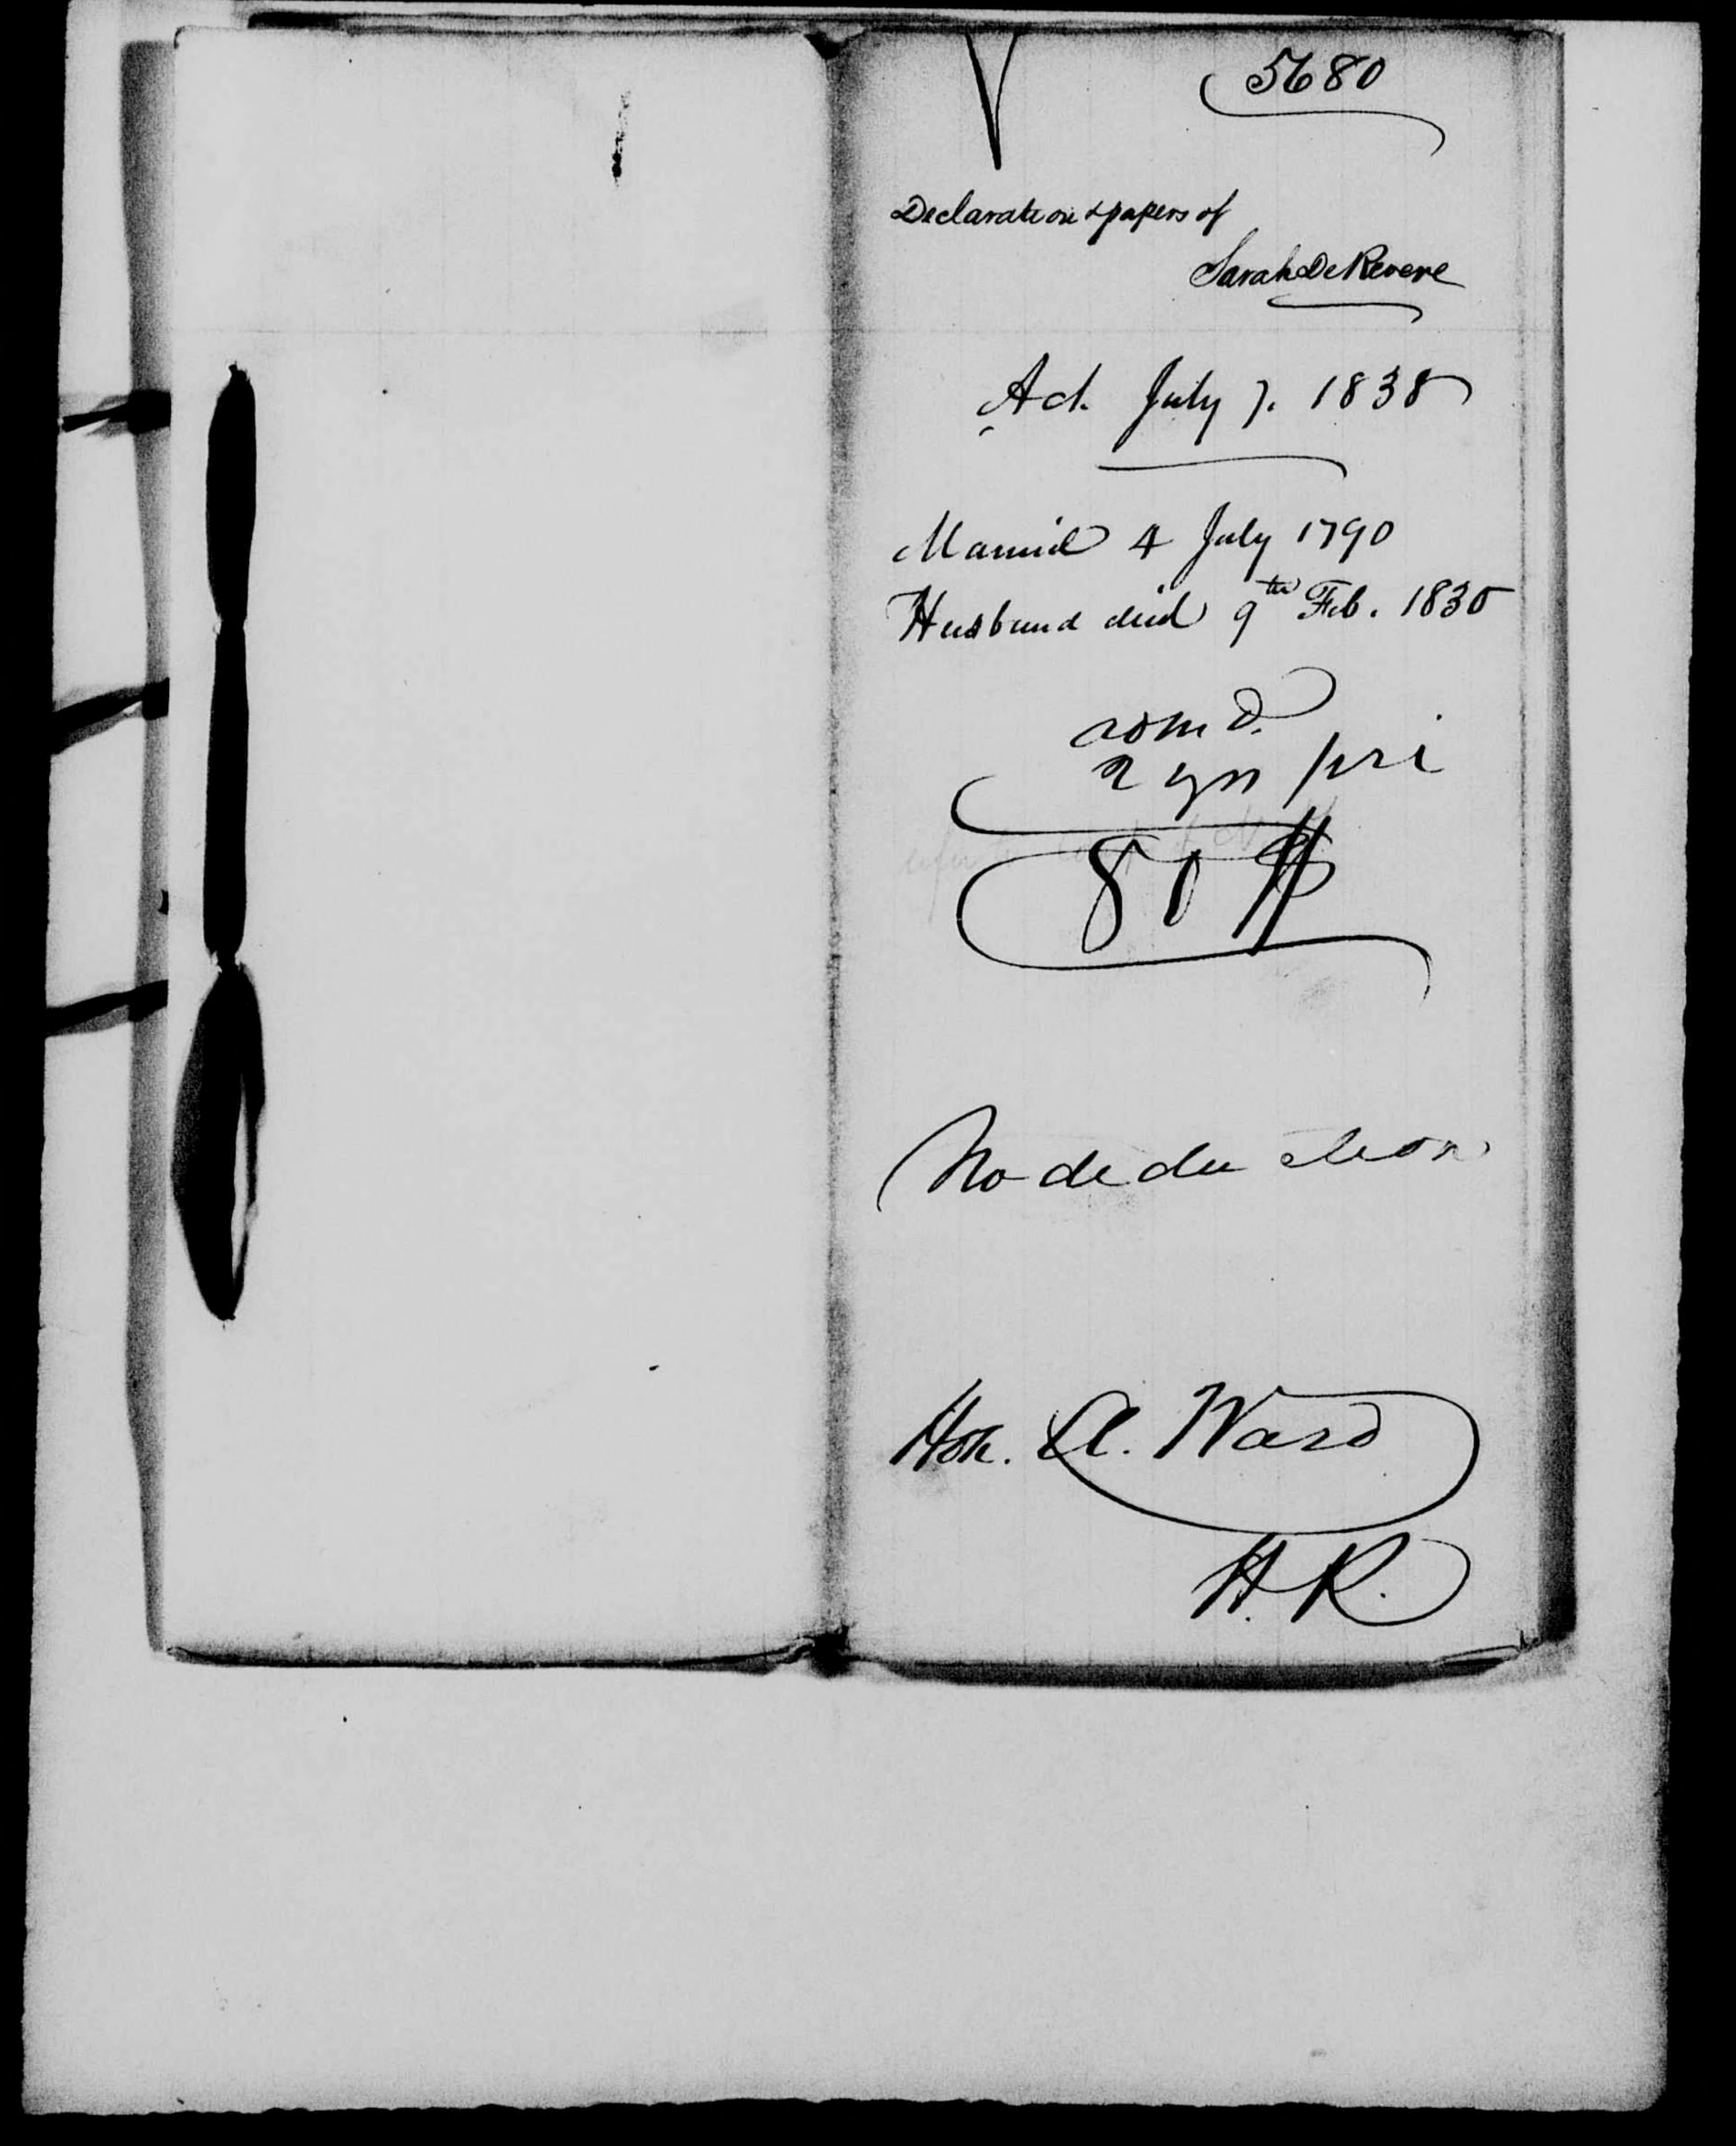[folded page - left side blank]
[right side of folded page]

5680

Declaration papers of Sarah DeRevere

Ad. July 7, 1838

Married 4 July 1790
Husband died 9th Feb. 1830

admd.
a yr/ri

80$

No deduction

[signed] Hon. A. Ward
H.R.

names: A Ward, Sarah De Revere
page: 18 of 40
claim: widow's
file: W. 24057, Cornelius De Revere, New York